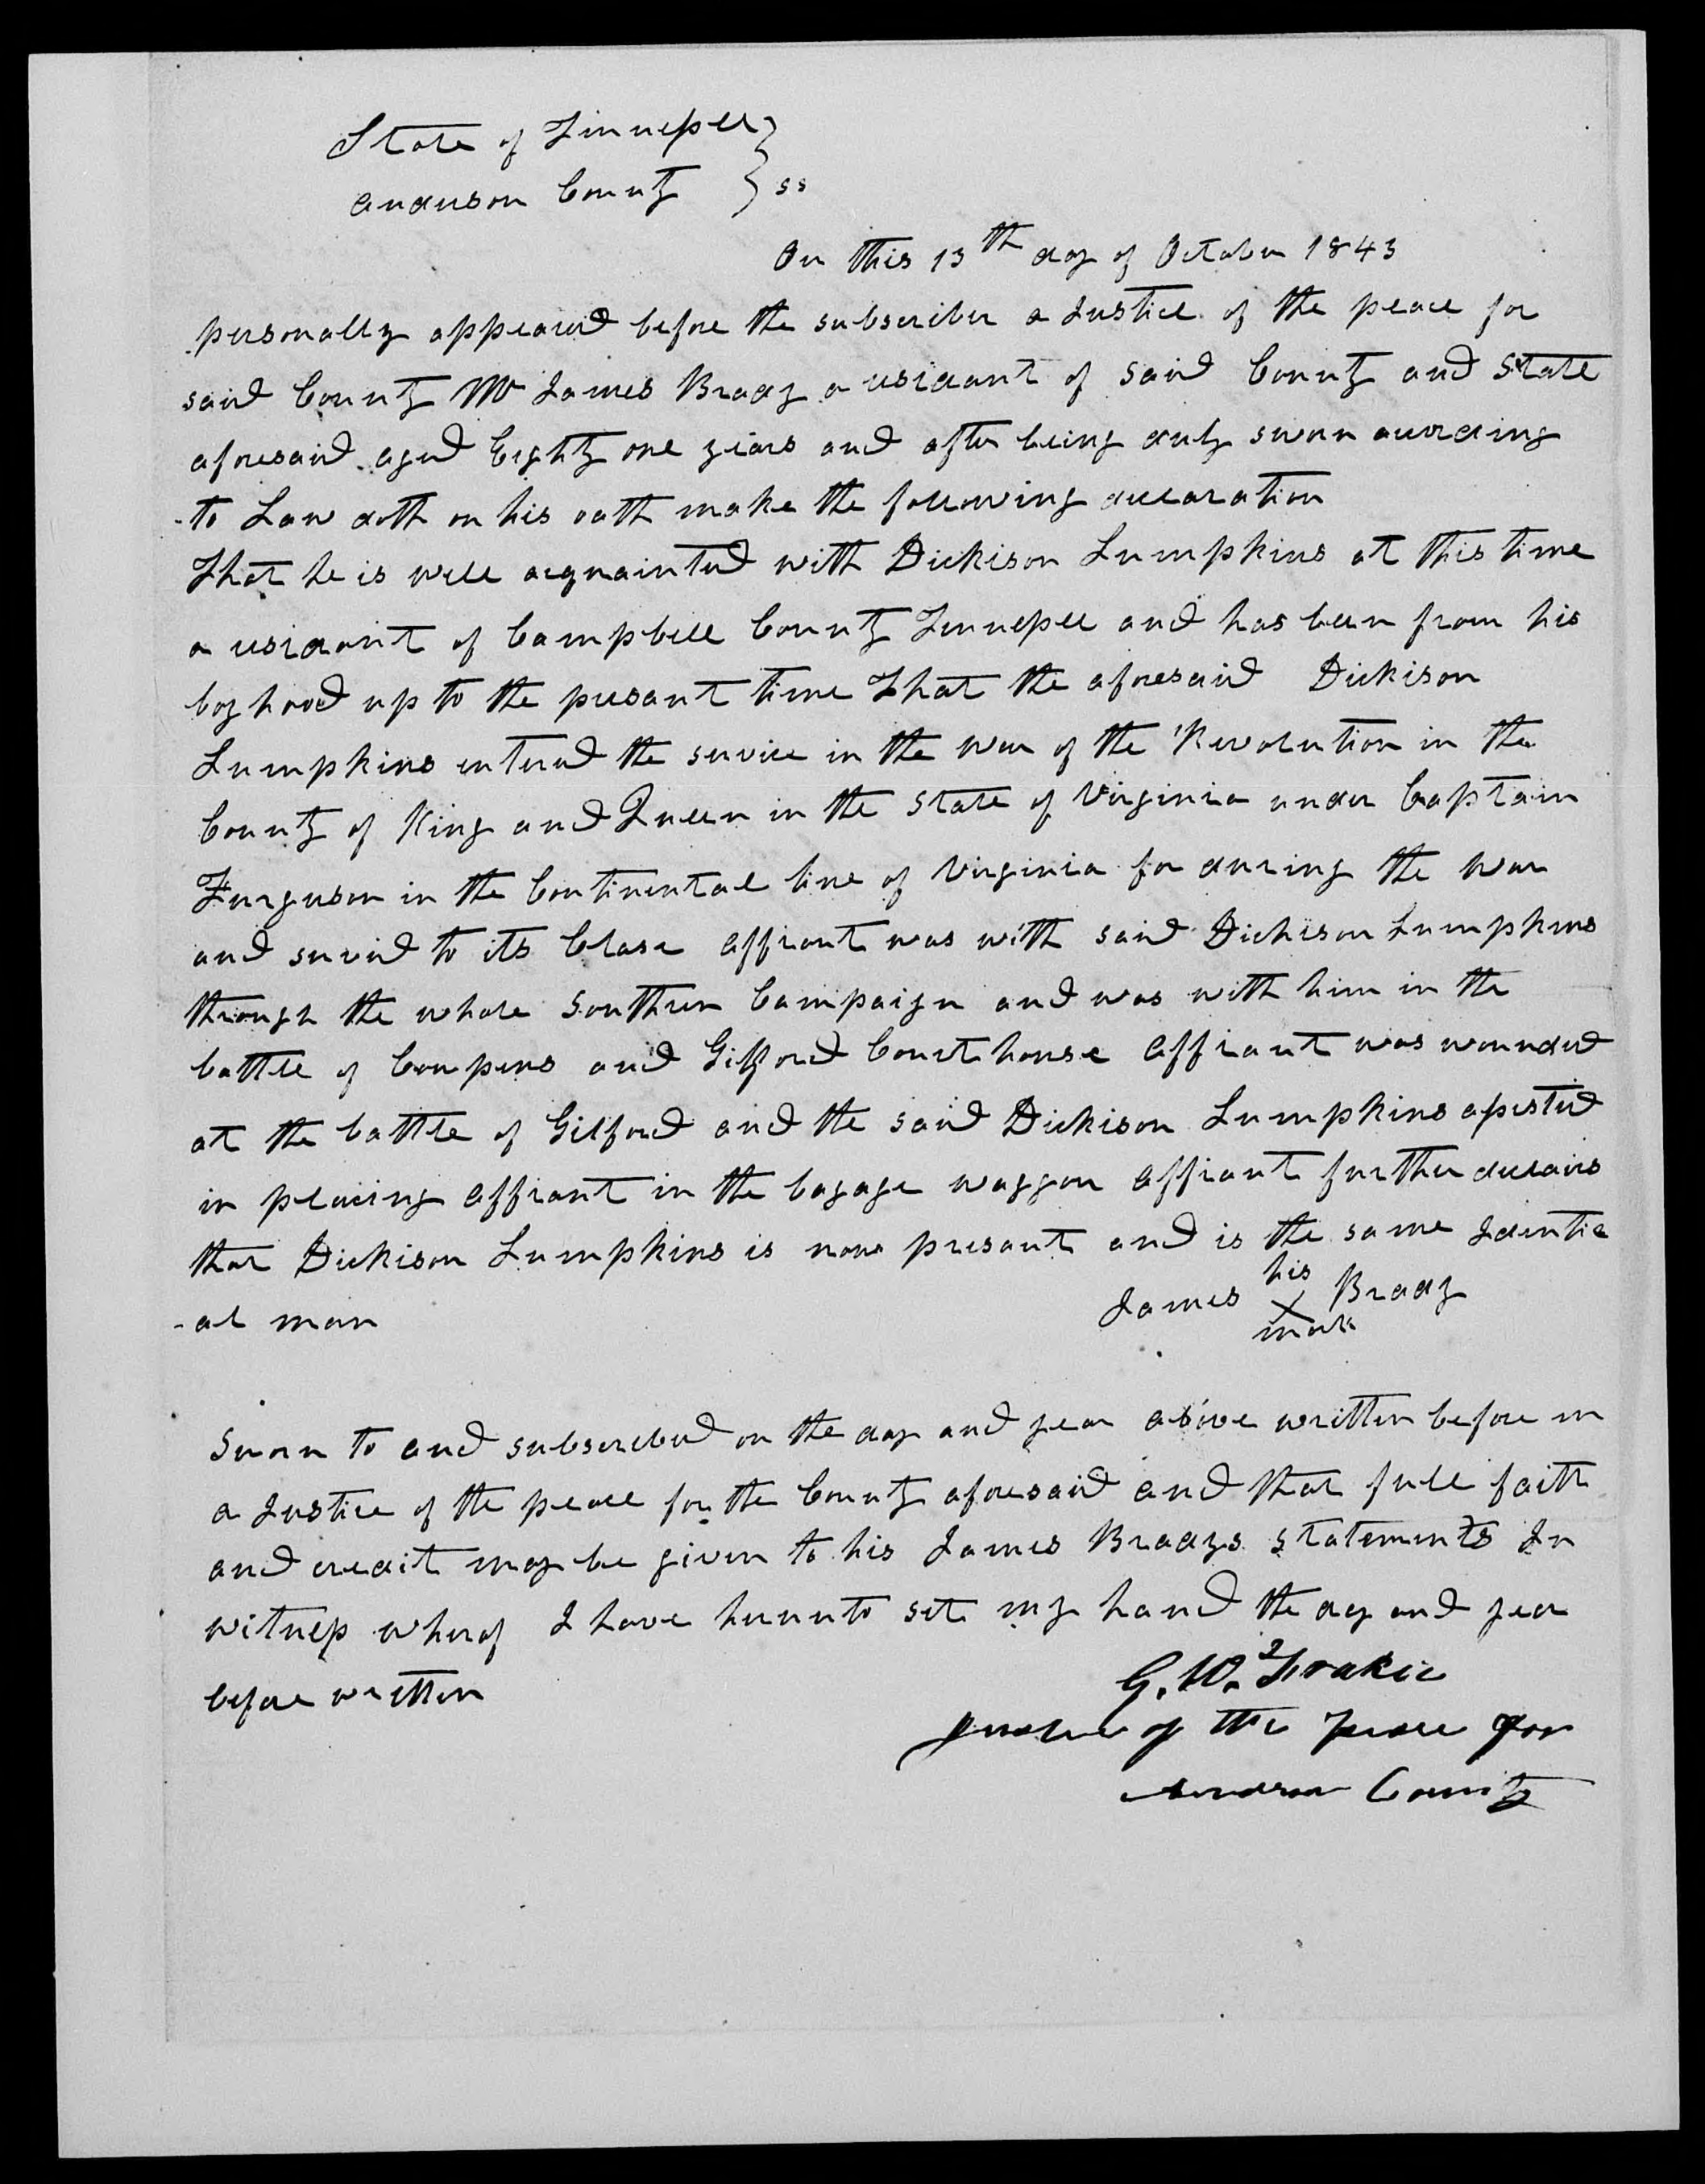(Handwritten document)

State of Tennessee
Anderson County ⎬ SS

On this 13th day of October 1843 personally appeared before the subscriber a Justice of the peace for said County Mr James Brady a resident of said County and State aforesaid aged Eighty one years and after being duly sworn according to Law doth on his oath make the following declaration That he is well acquainted with Dickison Lumpkins at this time a resident of Campbell County Tennessee and has been from his boyhood up to the present time that the aforesaid Dickison
Lumpkins entered the service in the war of the Revolution in the County of King and Queen in the State of Virginia under Captain Ferguson in the Continental line of Virginia for during the War and served to its close affiant was with said Dickinson Lumpkins through the whole further campaign and was with him in the
battle of Cowpens and Gilford Courthouse affiant was wounded at the battle of Gilford and the said Dickison Lumpkins assisted
in placing affiant in the baggage waggon affiant further declares that Dickson Lumpkins is now present and is the same Identical man

James his X mark Brady

Sworn to and subscribed on the day and year above written before in a Justice of the peace for the County aforesaid and that full faith
and credit may be given to his James Bradys statements In witness whereof I have hereunto set my hand the any and year before written

 G.W. Fraker
Justice of the peace for Anderson County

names: [BLANK] Furguson; James Brady; G W Fraker; Dickison Lumpkins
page: 34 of 37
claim: rejected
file: R. 6521, for Dickeson Lumpkin, Pennsylvania